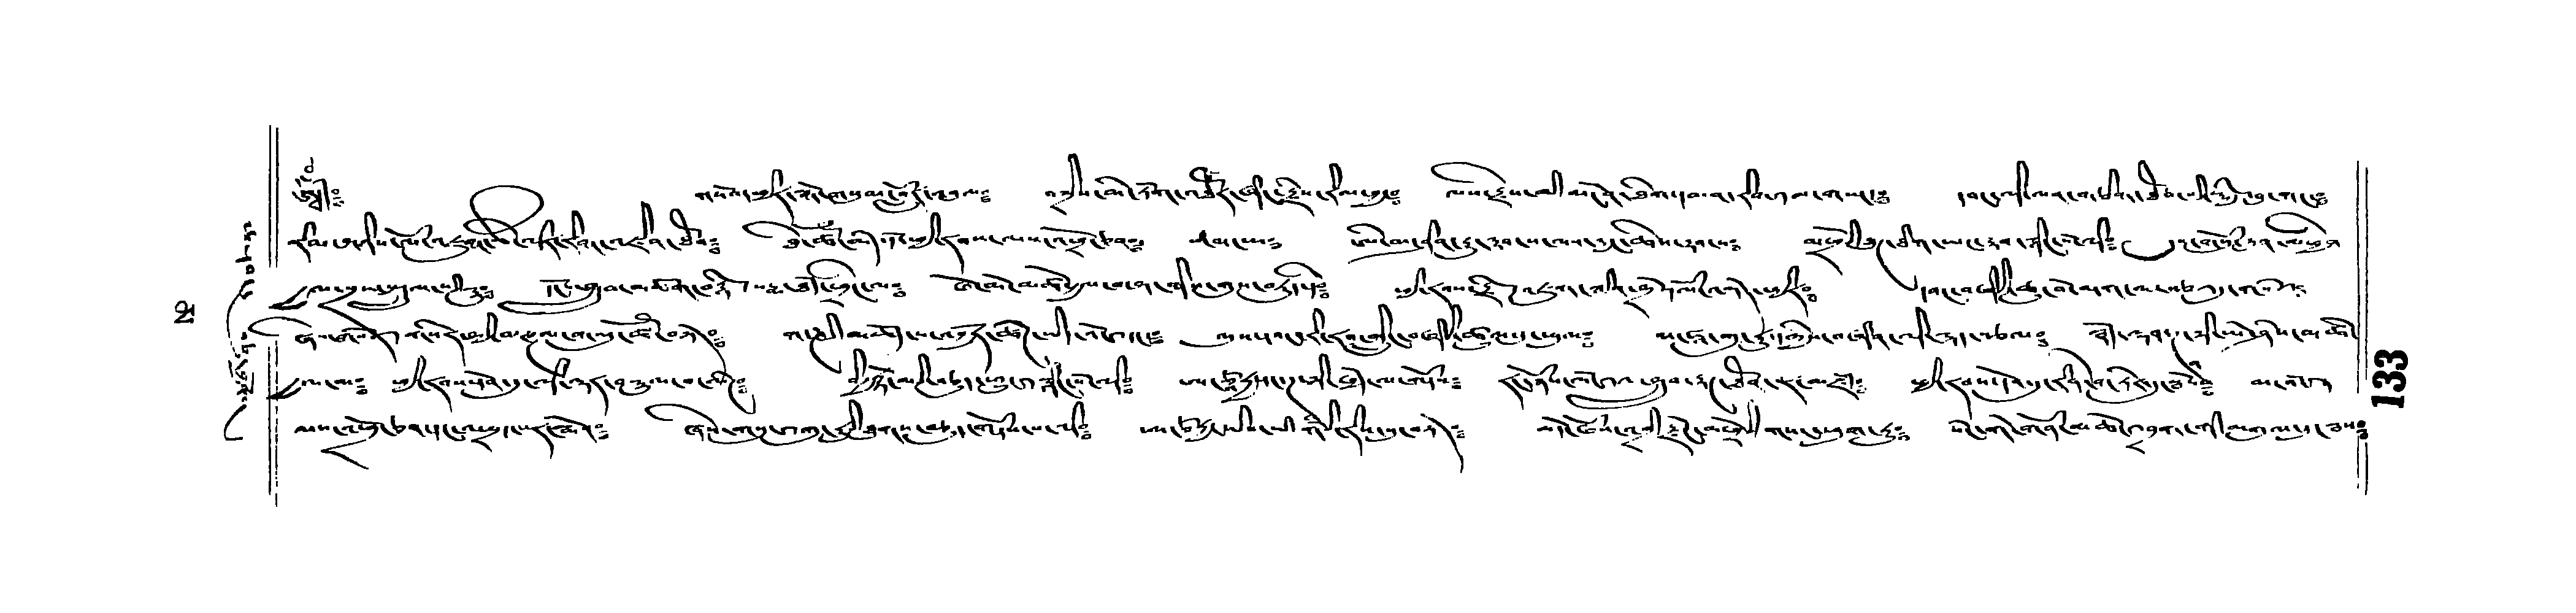གསོབ་ཕྱིར་སྒོ་གསུམ་བླ་མར་འབུལ༔ བཀྲ་ཤིས་མེ་ཏོག་འཐོར་ཞིང་རྗེས་རིམ་བྱ༔ ལས་རྗེས་མི་མངོན་ཐེག་དམན་རིགས་ལ་གསང༔ དབང་འདི་ལན་གཅིག་ཐོབ་པའི་སྐྱེས་བུ་གང༔ 
རིམ་གཉིས་ལམ་འཇུག་ཚེ་འདིར་རིག་འཛིན་ཐོབ༔ ཐེ་ཚོམ་མེད་དོ་ཕྱི་རབས་ལས་འཕྲོ་ཅན༔ ས་མ་ཡ༔ ཨེ་མ་ཤིན་ཏུ་ཟབ་པ་ལས་ཀྱང་ཆེས་ཟབ་པ༔ མཁའ་འགྲོའི་ཐུགས་ཐིག་ཡང་ཟབ་སྙིངཔོ་འདི༔ དུས་གསུམ་ཀུན་མཁྱེན་
རྒྱལ་སྲས་སྤྲུལ་པའི་སྐུ༔ དངོས་གྲུབ་མཆོག་བརྙེས་པདྨ་ཐོད་ཕྲེང་ལ༔ ཁོ་མོ་མཚོ་རྒྱལ་བདག་གིས་གུས་བཏུད་དེ༔ ཕྱི་རབས་རྗེས་འཇུག་སྨིན་གྲོལ་ལམ་འགོད་ཕྱིར༔ དབང་བཞིའི་ཆུ་བོ་བདག་ལ་བསྩལ་དུ་གསོལ༔
ཞེས་གསོལ་གསེར་གྱི་མཎྜལ་གཡུ་མཚོམ་བཀོད༔ ག་ཎའི་མཆོད་པ་འབྱོར་ཚོགས་ཡིད་འོང་དང༔ ལུས་དབང་རི་རབ་གླིང་བཞིའི་ཚུལ་དུ་ཕུལ༔ མ་ཧཱ་གུ་རུ་དགྱེས་བཞིན་འདི་སྐད་རྩལ༔ སྣོད་ལྡན་ཌཱ་ཀི་ཡེ་ཤེས་མཚོ་
རྒྱལ་མ༔ ཕྱི་རབས་དོན་དུ་འདི་ལྟར་བསྐུལ་བ་ལེགས༔ བིདྱོ་ཏ་མའི་བཅུད་ཕྱུངས་སྙིང་པོ་འདི༔ ཨ་ཙཱརྻ་དང་ཌཱ་ཀི་ཁྱེད་ལ་གདམས༔ རང་ཉམས་ལོངས་ལ་གྲུབ་རྟགས་ཐོན་བར་མཛོད༔ ཕྱི་རབས་དོན་དུ་རིན་ཆེན་གཏེར་དུ་སྦོས༔ མ་འོངས་
ལས་འཕྲོ་ཅན་དང་འཕྲད་པར་སྨོན༔ ཞེས་གསུངས་གུ་རུའི་ཐུགས་བཅུད་གདམས་པ་འདི༔ ཨ་ཙཱརྻ་ཡིས་ཡི་གེའི་རིས་སུ་བཀོད༔ མདོ་ཁམས་འབྲི་རྫོང་མཁའ་འགྲོའི་གསང་ཕུག་ཏུ༔ སེང་གེ་གནམ་མཆོང་བྲག་གི་མགུལ་དུ་སྦས༔